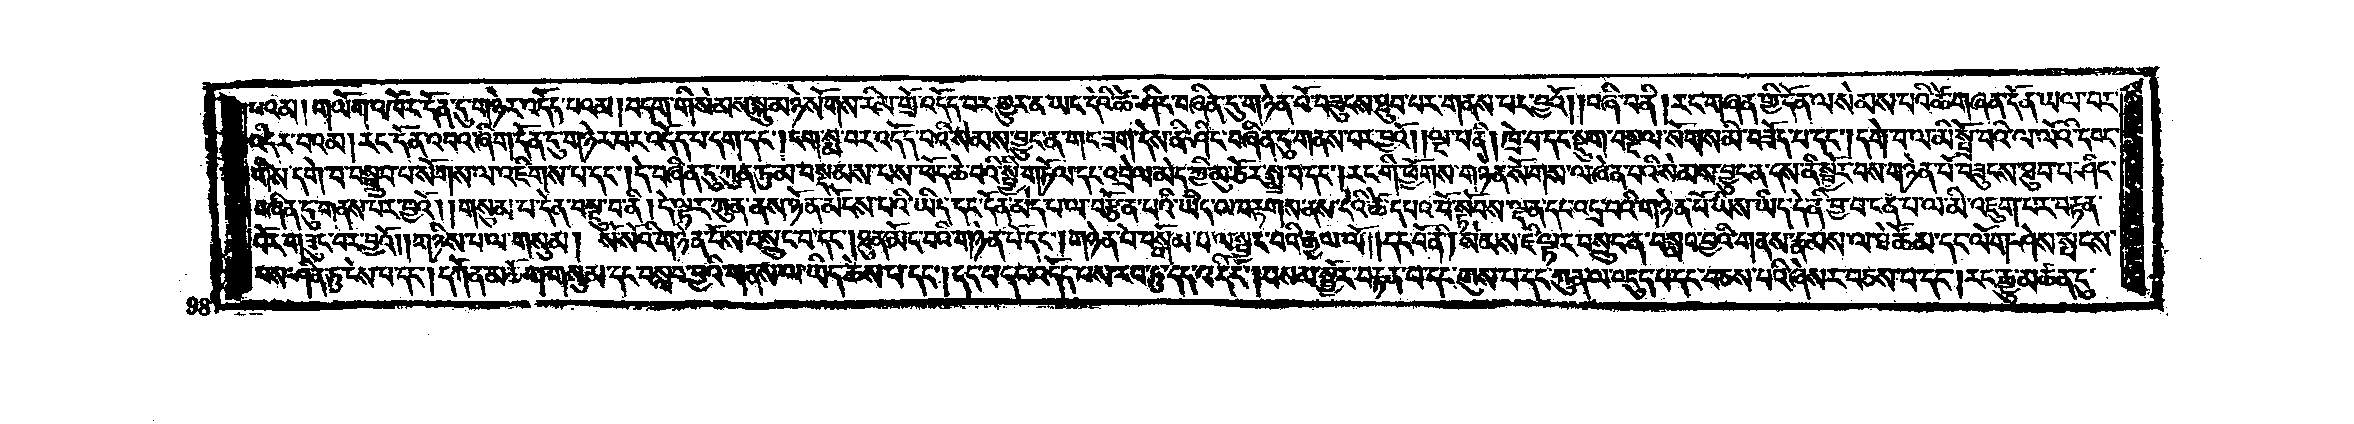པའམ༑ ༑གཡོག་འཁོར་དོན་དུ་གཉེར་འདོད་པའམ། བདག་གི་སེམས་སྐུ་མཉེ་སོགས་རིམ་གྲོ་འདོད་པར་གྱུར་ན་ཡང་དེའི་ཚེ་ཤིང་བཞིན་དུ་གཉེན་པོ་བཟུངས་ཐུབ་པར་གནས་པར་བྱའོ། །བཞི་པ་ནི། རང་གཞན་གྱི་དོན་ལ་སེམས་པའི་ཚེ་གཞན་དོན་ཡལ་བར་
འདིར་བའམ། རང་དོན་འབའ་ཞིག་དོན་དུ་གཉེར་བར་འདོད་པ་དག་དང་། ངག་སྨྲ་བར་འདོད་པའི་སེམས་བྱུང་ན་གང་ཟག་དེས་ནི་ཤིང་བཞིན་དུ་གནས་པར་བྱའོ། །ལྔ་པ་ནི། ཁྲོ་བ་དང་སྡུག་བསྔལ་སོགས་མི་བཟོད་པ་དང་། དགེ་བ་ལ་མི་སྤྲོ་བའི་ལ་ལོའི་དབང་
གིས་དགེ་བ་བསྒྲུབ་པ་སོགས་ལ་འཇིགས་པ་དང་། དེ་བཞིན་དུ་ཀུན་ཏུ་མ་བསྡམས་པས་ཕོད་ཆེ་བའི་སྤྱི་གཏོལ་དང་འབྲེལ་མེད་ཀྱི་མུ་ཅོར་སྨྲ་བ་དང་། རང་གི་ཕྱོགས་གཉེན་སོགས་ལ་ཞེན་པའི་སེམས་བྱུང་ན་ངས་ནི་སྦྱོར་བས་གཉེན་པོ་བཟུངས་ཐུབ་པ་ཤིང་
བཞིན་དུ་གནས་པར་བྱའོ། །གསུམ་པ་དོན་བསྡུ་བ་ནི། དེ་ལྟར་ཀུན་ནས་ཉོན་མོངས་པའི་ཡིད་དང་དོན་མེད་པ་ལ་བརྩོན་པའི་ཡིད་ལ་བརྟགས་ནས་དེའི་ཚེ་དཔའ་བོ་སྟོབས་ལྡན་དང་འདྲ་བའི་གཉེན་པོ་ཡིས་ཡིད་དེ་ནི་བྱ་བ་ངན་པ་ལ་མི་འཇུག་པར་བརྟན་
པོར་གཟུང་བར་བྱའོ། །གཉིས་པ་ལ་གསུམ། སོ་སོའི་གཉེན་པོས་བསྲུང་བ་དང་། ཐུན་མོང་བའི་གཉེན་པོ་དང་། གཉེན་པོ་བསྒོམ་པ་ལ་སྦྱར་བའི་རྒྱལ་ལོ། །དང་པོ་ནི། སེམས་ཇི་ལྟར་བསྲུང་ན་བསླབ་བྱའི་གནས་རྣམས་ལ་ཐེ་ཚོམ་དང་ལོག་ཤེས་སྤངས་
པས་ཤིན་ཏུ་ངེས་པ་དང་། དཀོན་མཆོག་གསུམ་དང་བསླབ་བྱའི་གནས་ལ་ཡིད་ཆོས་པ་དང་། དང་པོ་དང་འདོད་པས་རབ་ཏུ་དད་འདིར། བསམ་སྦྱོར་བརྟན་པ་དང་གུས་པ་དང་ཀུན་ལ་འདུད་པ་དང་བཅས་པའི་ཞེས་ར་བཅས་པ་དང་། རང་རྒྱུ་མཚན་དུ་